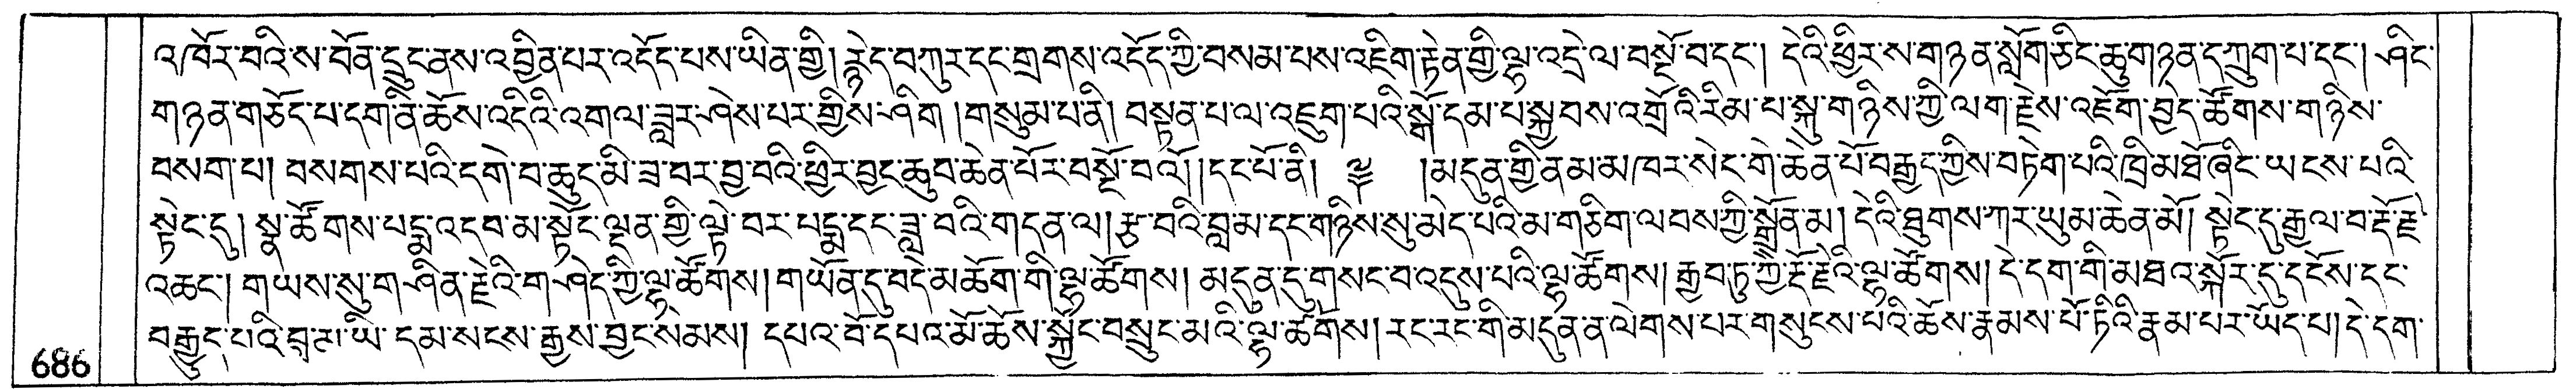འཁོར་བའི་ས་བོན་དྲུང་ནས་འབྱིན་པར་འདོད་པས་ཡིན་གྱི། རྙེད་བཀུར་དང་གྲགས་འདོད་ཀྱི་བསམ་པས་འཇིག་རྟེན་གྱི་ལྷ་འདྲེ་ལ་བསྔོ་བ་དང་། དེའི་ཕྱིར་ས་གཉན་སློག་ཅིང་ཆུ་གཉན་དཀྲུག་པ་དང་། ཤིང་
གཉན་གཅོད་པ་དག་ནི་ཆོས་འདིའི་འགལ་ཟླར་ཤེས་པར་གྱིས་ཤིག །གསུམ་པ་ནི། བསྟན་པ་ལ་འཇུག་པའི་སྒོ་དམ་པ་སྐྱབས་འགྲོའི་རིམ་པ་སྐུ་གཉིས་ཀྱི་ལག་རྗེས་འཇོག་བྱེད་ཚོགས་གཉིས་
བསག་པ། བསགས་པའི་དགེ་བ་ཆུད་མི་ཟ་བར་བྱ་བའི་ཕྱིར་བྱང་ཆུབ་ཆེན་པོར་བསྔོ་བའོ། །དང་པོ་ནི། ༈ །མདུན་གྱི་ནམ་མཁར་སེང་གེ་ཆེན་པོ་བརྒྱད་ཀྱིས་བཏེག་པའི་ཁྲི་མཐོ་ཞིང་ཡངས་པའི་
སྟེང་དུ། སྣ་ཚོགས་པདམ་འདབ་མ་སྟོང་ལྡན་གྱི་ལྟེ་བར་པདམ་དང་ཟླ་བའི་གདན་ལ། རྩ་བའི་བླ་མ་དང་གཉིས་སུ་མེད་པའི་མ་གཅིག་ལབས་ཀྱི་སྒྲོན་མ། དེའི་ཐུགས་ཀར་ཡུམ་ཆེན་མོ། སྟེང་དུ་རྒྱལ་བ་རྡོ་རྗེ་
འཆང་། གཡས་སུ་གཤིན་རྗེའི་གཤེད་ཀྱི་ལྷ་ཚོགས། གཡོན་དུ་བདེ་མཆོག་གི་ལྷ་ཚོགས། མདུན་དུ་གསང་བ་འདུས་པའི་ལྷ་ཚོགས། རྒྱབ་ཏུ་ཀྱཻ་རྡོ་རྗེའི་ལྷ་ཚོགས། དེ་དག་གི་མཐའ་སྐོར་དུ་དངོས་དང་
བརྒྱུད་པའི་བླ་མ་ཡི་དམ་སངས་རྒྱས་བྱང་སེམས། དཔའ་བོ་དཔའ་མོ་ཆོས་སྐྱོང་བསྲུང་མའི་ལྷ་ཚོགས། རང་རང་གི་མདུན་ན་ལེགས་པར་གསུངས་པའི་ཆོས་རྣམས་པོ་ཏིའི་རྣམ་པར་ཡོད་པ། དེ་དག་